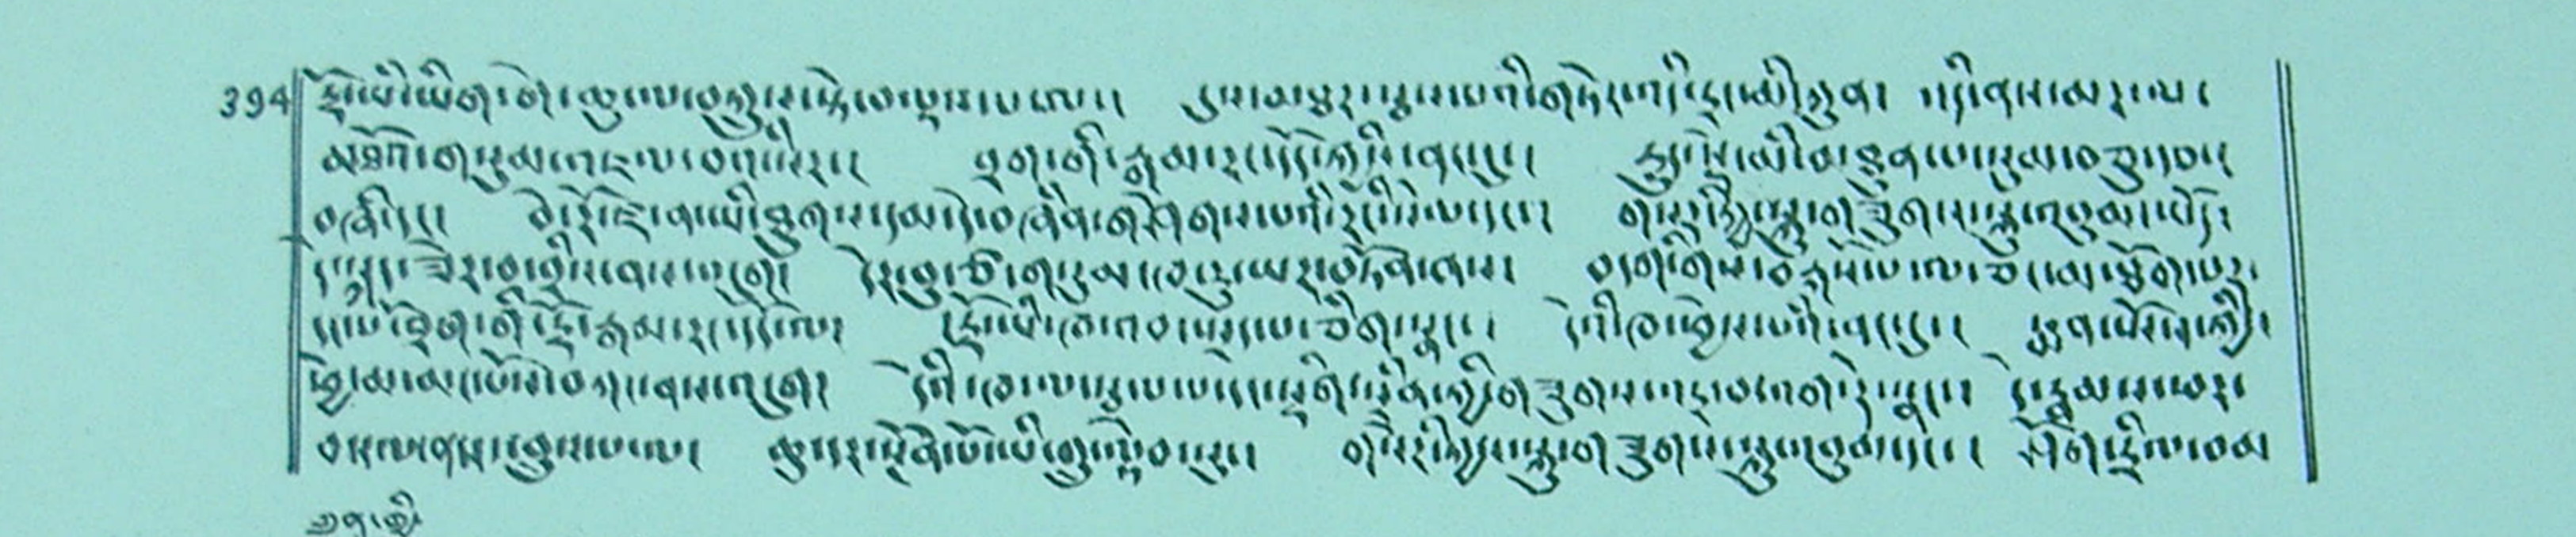རྡོ་ཡི་ཡི་གེ་ཆུ་ལ་བཀྲུས་ཏེ་བལྟས་པ་ལ། དུས་མཐར་སྦས་པའི་གཏེར་འདི་དྲང་མི་ཀུན། འདི་ནས་མར་ལ་
མཐོའ་གསུམ་མཇལ་བའི་སར། བྲག་གི་རྒམ་རང་དོད་ཀྱིས་ནང་དུ། རྒྱུད་སྡེ་མི་མཐུན་པ་སུམ་བཅུ་རྩ་
བཞི་དང་། བེ་རོ་ཛ་ནའི་ཐུགས་དམ་དེ་བཞིན་གཤེགས་པའི་རིང་སྲེལ་དང་། གསེར་གྱི་སྐུ་གཟུགས་སྐུ་འབུམ་ཡོད། 
དེ་སྐད་ཟེར་བ་བྲིས་ནས་འདུག དེར་བུ་ཙ་གསུམ་ཁ་རུ་ཡར་བཏོན་ནས། བདག་ཉིད་བརྐོས་པ་ལ་ཅང་མ་ཐོགས་པ། 
དང་པོ་བྲག་གི་རྡོ་སྒམ་རང་དོད་ལ། རྡོའི་ཁ་འབ་སྤྲད་པ་ཅིག་སྣང་། དེའི་ཁ་ཕྱེས་པའི་ནང་དུ། སྨན་སྤོས་ཀྱི་
ཕྱེ་མ་མང་པོས་བཀང་ནས་འདུག དེའི་ཁ་ལ་སྦལ་བ་དང་སྡིག་སྲིན་གྱི་གཟུགས་འདྲ་བ་འག་རེ་སྣང་། དེ་རྣམས་ཕར་
བསལ་ནས་བྲུས་པ་ལ། ཆུ་དར་སྔོན་པོ་ཡི་གྲུ་ལྡེབས་སུ། གསེར་གྱིས་སྐུ་གཟུགས་སྐུ་འབུམ་དང་། ཤོག་དྲིལ་བམ་